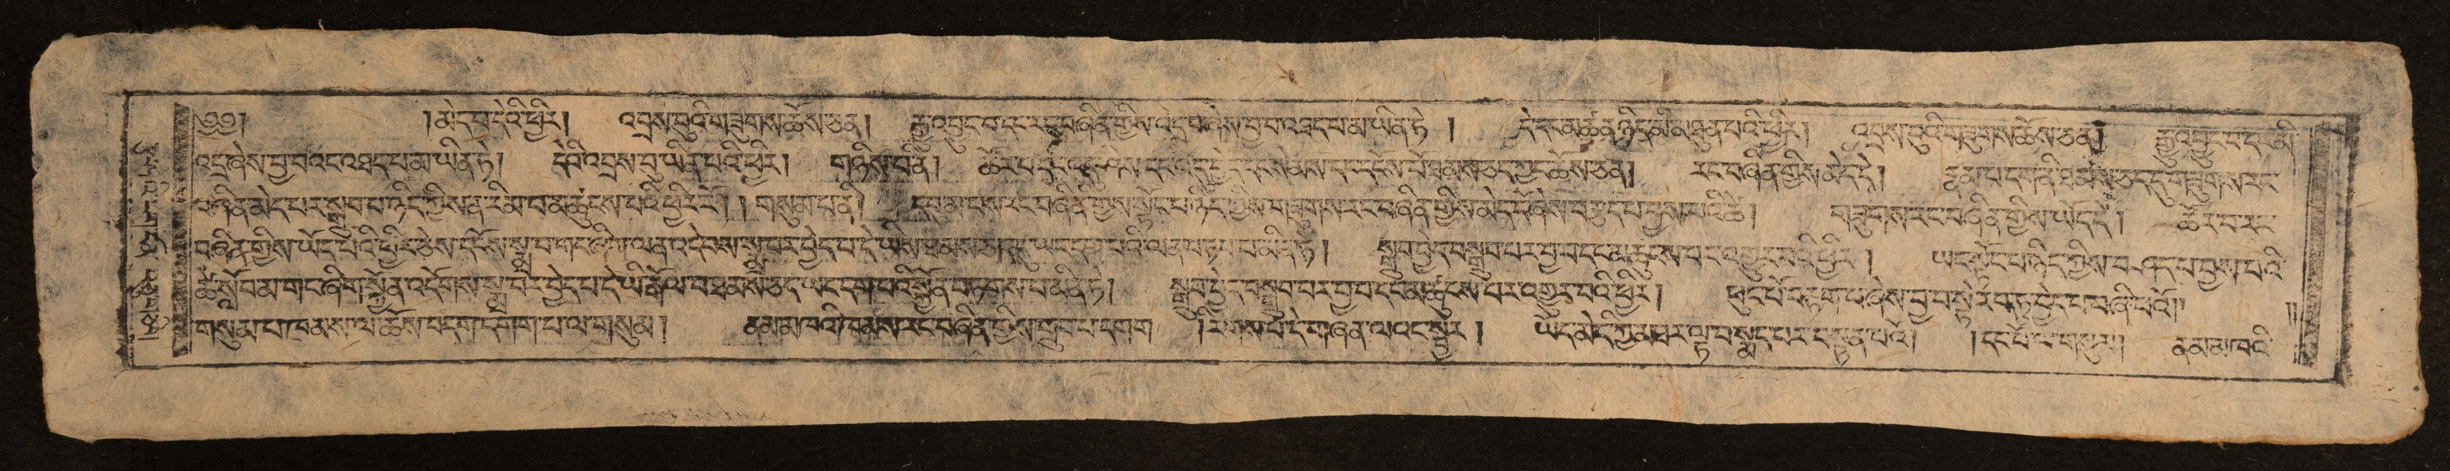༄༅། །མེད་པ་དེའི་ཕྱིར། འབྲས་བུའི་གཟུགས་ཆོས་ཅན། རྒྱུ་འབྱུང་བ་དང་རང་བཞིན་གྱིས་འདྲ་བ་ཞེས་བྱ་བ་འཐད་པ་མ་ཡིན་ཏེ། དེ་དང་མཚན་ཉིད་མི་མཐུན་པའི་ཕྱིར། འབྲས་བུའི་གཟུགས་ཆོས་ཅན། རྒྱུ་འབྱུང་བ་དང་མི་
འདྲ་ཞེས་བྱ་བའང་འཐད་པ་མ་ཡིན་ཏེ། དེའི་འབྲས་བུ་ཡིན་པའི་ཕྱིར། གཉིས་པ་ནི། ཚོར་བ་དང་འདུ་ཤེས་དང་འདུ་བྱེད་དང་སེམས་དང་དངོས་པོ་ཐམས་ཅད་ཀྱང་ཆོས་ཅན། རང་བཞིན་གྱིས་མེད་དེ། རྣམ་པ་དག་ནི་ཐམས་ཅད་དུ་གཟུགས་རང་
བཞིན་མེད་པར་སྒྲུབ་པ་ཉིད་ཀྱིས་ན་རིམ་པ་མཚུངས་པའི་ཕྱིར་རོ། །གསུམ་པ་ནི། དབུ་མ་པས་རང་བཞིན་གྱིས་སྟོང་པ་ཉིད་ཀྱིས་གཟུས་རང་བཞིན་གྱིས་མེད་དོ་ཞེས་བ་རྩད་པ་བྱས་པའི་ཚེ། གཟུགས་རང་བཞིན་གྱིས་ཡོད་དེ། ཚོར་བ་རང་
བཞིན་གྱིས་ཡོད་པའི་ཕྱིར་ཅེས་དངོས་སྨྲ་བ་གང་ཞིག་ལན་འདེབས་སྨྲ་བར་བྱེད་པ་དེ་ཡིས་ཐམས་ཅད་དུ་ཡང་དག་པའི་ལན་བཏབ་པ་མིན་ཏེ། སྒྲུབ་བྱེད་བསྒྲུབ་པར་བྱ་བ་དང་མཚུངས་པར་འགྱུར་བའི་ཕྱིར། ཡང་སྟོང་པ་ཉིད་ཀྱིས་བཤད་པ་བྱས་པའི་
ཚེ་སློབ་མ་གང་ཞིག་སྐྱོན་འདོགས་སྨྲ་བར་བྱེད་པ་དེ་ཡི་རྒོལ་བ་ཐམས་ཅད་ཡང་དག་པའི་སྐྱོན་བཏགས་པ་མིན་ཏེ། སྒྲུབ་བྱེད་བསྒྲུབ་པར་བྱ་བ་དང་མཚུངས་པར་འགྱུར་བའི་ཕྱིར། ཕུང་པོ་བརྟག་པ་ཞེས་བྱ་བ་སྟེ་རབ་ཏུ་བྱེད་པ་བཞི་པའོ།། །།
གསུམ་པ་ཁམས་ལ་ཆོས་བདག་དགག་པ་ལ་གསུམ། ནམ་མཁའི་ཁམས་རང་བཞིན་གྱིས་གྲུབ་པ་དགག །རིགས་པ་དེ་གཞན་ལའང་སྦྱར། ཡོད་མེད་ཀྱི་མཐར་ལྟ་བ་སྨད་པར་བསྟན་པའོ། །དང་པོ་ལ་གསུམ། ནམ་མཁའི་